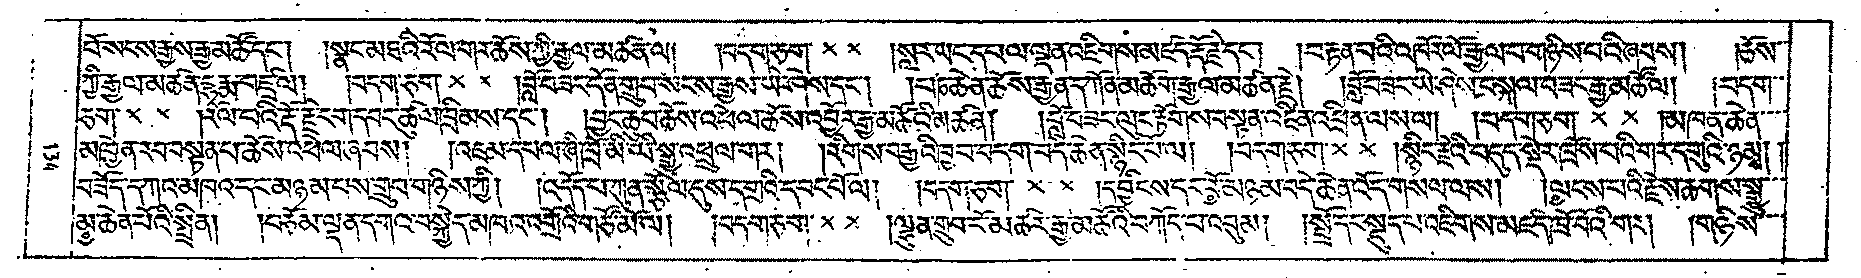པོ་སངས་རྒྱས་རྒྱ་མཚོ་དང་། །སྣང་མཐའི་རོལ་གར་ཆོས་ཀྱི་རྒྱལ་མཚན་ལ། །བདག་ཅག་྾་྾་།སླར་ཡང་དཔལ་ལྡན་འཇིགས་མཛད་རྡོ་རྗེ་དང་། །བརྟན་པའི་འཁོར་ལོ་རྒྱལ་བ་གཉིས་པའི་ཞབས། །ཆོས་
ཀྱི་རྒྱལ་མཚན་དྷརྨ་བཛྲ་ལ། །བདག་ཅག་྾་྾་།བློ་བཟང་དོན་གྲུབ་སངས་རྒྱས་ཡེ་ཤེས་དང་། །པཎ་ཆེན་ཆོས་རྒྱན་དཀོན་མཆོག་རྒྱལ་མཚན་རྗེ། །བློ་བཟང་ཡེ་ཤེས་བསྐལ་བཟང་རྒྱ་མཚོ་ལ། །བདག་
ཅག་྾་྾་།རོལ་པའི་རྡོ་རྗེ་ངག་དབང་ཚུལ་ཁྲིམས་དང་། །བྱང་ཆུབ་ཆོས་འཕེལ་ཆོས་འབྱོར་རྒྱ་མཚོའི་མཚན། །བློ་བཟང་ལུང་རྟོགས་བསྟན་འཛིན་འཕྲིན་ལས་ལ། །བདག་ཅག་྾་྾་།མཁན་ཆེན་
མཁྱེན་རབ་བསྟན་པ་ཆོས་འཕེལ་ཞབས། །འཇམ་དཔལ་ཞི་ཁྲོ་མི་ཡི་སྒྱུ་འཕྲུལ་གར། །རིགས་བརྒྱའི་ཁྱབ་བདག་བདེ་ཆེན་སྙིང་པོ་ལ། །བདག་ཅག་྾་྾་།སྙིང་རྗེའི་བདུད་སྡེར་ཁྲོས་པའི་གར་དགུའི་ཉམས། །
བཟོད་དཀའ་མཁའ་དང་མཉམ་པས་གྲུབ་གཉིས་ཀྱི། །འདོད་པ་ཀུན་སྩོལ་དུས་དགྲའི་དབང་པོ་ལ། །བདག་ཅག་྾་྾་།དབྱིངས་དང་རོ་མཉམ་བདེ་ཆེན་འོད་གསལ་ལས། །ལངས་པའི་རྗེས་ཆགས་སྒྱུ་
མ་ཆེན་པོའི་སྤྲིན། །བཅོམ་ལྡན་དགའ་བསྐྱེད་མཁའ་འགྲོའི་གཙོ་མོ་ལ། །བདག་ཅག་྾་྾་།ལྷུན་གྲུབ་ངོ་མཚར་རྒྱ་མཚོའི་བཀོད་པ་འབུམ། །སྤྲོ་དང་སྡུད་པ་འཇིགས་མཛད་ཁྲོ་བོའི་གར། །གཉིས་